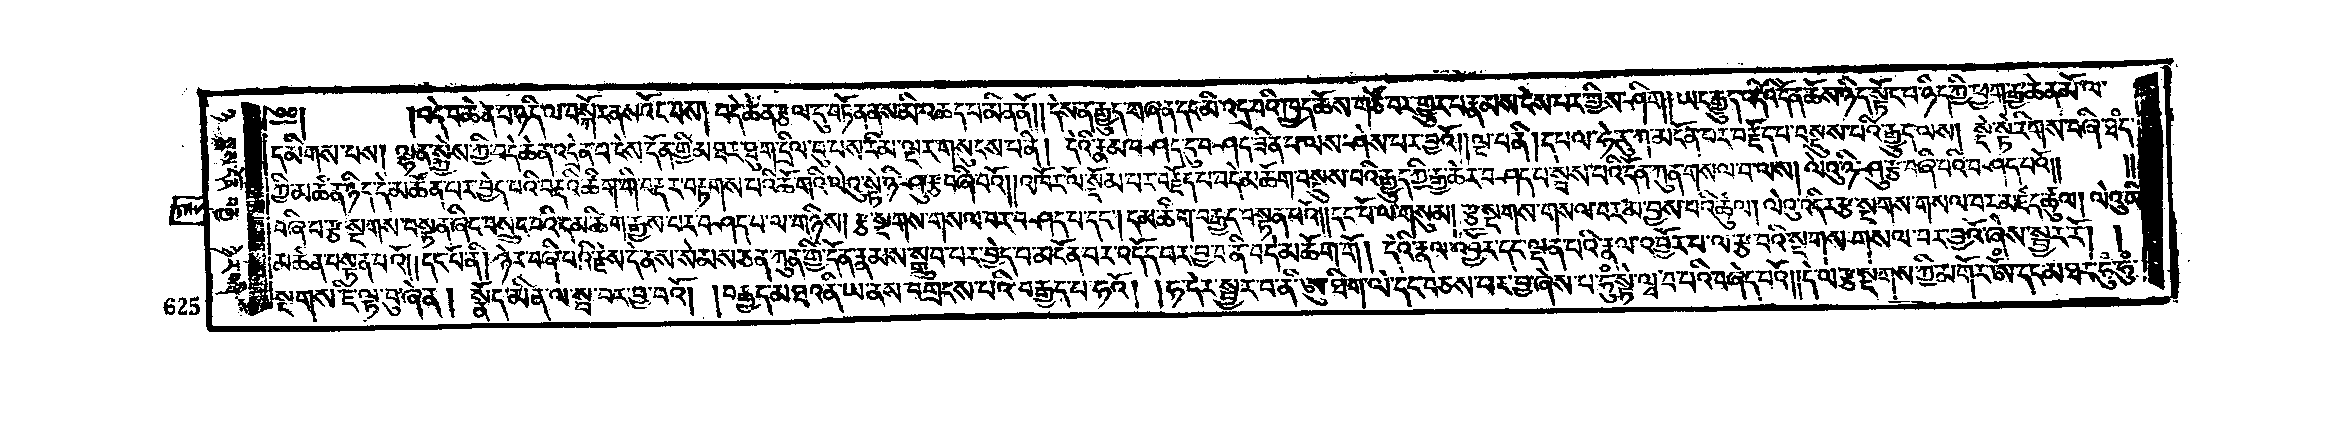༄༅། །བདེ་བ་ཆེན་པ་ཉིད་ལ་བསྐོར་ནས་འོང་བས། བདེ་ཆེན་རྩལ་དུ་བཏོན་ནས་མི་འཆད་པ་མིན་ནོ། །དེས་ན་རྒྱུད་གཞན་དང་མི་འདྲ་བའི་ཁྱད་ཆོས་གཙོ་བོར་གྱུར་པ་རྣམས་ངེས་པར་གྱིས་ཤིག །ཡང་རྒྱུད་འདིའི་དོན་ཆོས་ཉིད་སྟོང་པ་ཉིད་ཀྱི་ཕྱག་རྒྱ་ཆེན་མོ་ལ་
དམིགས་པས། ལྷན་སྐྱེས་ཀྱི་བདེ་ཆེན་འདྲེན་པ་ངེས་དོན་གྱི་མཐར་ཐུག་དྲིལ་བུ་པས་རིམ་ལྔར་གསུངས་པ་ནི། དེའི་རྣམ་བཤད་དུ་བཤད་ཟིན་པ་ལས་ཤེས་པར་བྱའོ། །ལྔ་པ་ནི། དཔལ་ཧེ་རུ་ཀ་མངོན་པར་བརྗོད་པ་བསྡུས་པའི་རྒྱུད་ལས། སྡེ་སྟེ་རིགས་བཞི་ཐམས་ཅད་
ཀྱི་མཚན་ཉིད་དེ་མཚོན་པར་བྱེད་པའི་བརྡའི་ཚིག་གི་བརྡར་བརྟགས་པའི་ཆོ་གའི་ལེའུ་སྟེ་ཉི་ཤུ་རྩ་བཞི་པའོ། །འཁོར་ལོ་སྡོམ་པར་བརྗོད་པ་བདེ་མཆོག་བསྡུས་པའི་རྒྱུད་ཀྱི་རྒྱ་ཆེར་བཤད་པ་སྦས་པའི་དོན་ཀུན་གསལ་བ་ལས། ལེའུ་ཉི་ཤུ་རྩ་བཞི་པའི་བཤད་པའོ།། །།
བཞི་པ་རྩ་སྔགས་བསྟན་ཞིང་བསྲུང་བའི་དམ་ཚིག་རྒྱས་པར་བཤད་པ་ལ་གཉིས། རྩ་སྔགས་གསལ་བར་བཤད་པ་དང་། དམ་ཚིག་བརྒྱད་བསྟན་པའོ། །དང་པོ་ལ་གསུམ། རྩ་སྔགས་གསལ་བར་མ་བྱས་པའི་ཚུལ། ལེའུ་འདིར་རྩ་སྔགས་གསལ་བར་མཛད་ཚུལ། ལེའུ་ཡི་
མཚན་བསྟན་པའོ། །དང་པོ་ནི། ཉེར་བཞི་པའི་རྗེས་དེ་ནས་སེམས་ཅན་ཀུན་གྱི་དོན་རྣམས་སྒྲུབ་པར་བྱེད་པ་མངོན་པར་འདོད་པར་བྱ་བ་ནི་བདེ་མཆོག་གོ །དེའི་རྣལ་འབྱོར་དང་ལྡན་པའི་རྣལ་འབྱོར་པ་ལ་རྩ་བའི་སྔགས་གསལ་བར་བྱའོ་ཞེས་སྦྱར་རོ། །
སྔགས་ཇི་ལྟ་བུ་ཞེ་ན། སྣོད་མིན་ལ་སྦ་བར་བྱ་བའོ། །བརྒྱད་མཐའ་ནི་ཡ་ནས་བགྲངས་པའི་བརྒྱད་པ་ཧའོ། །ཧ་དེར་སྦྱར་བ་ནི་ཨུ་ཐིག་ལེ་དང་བཅས་པར་བྱ་ཞེས་པ་ཧུཾ་སྟེ་ལྭ་བ་པའི་བཞེད་པའོ། །དེ་ལ་རྩ་སྔགས་ཀྱི་མགོར་ཨོཾ་དང་མཐར་ཧུཾ་ཧུཾ་